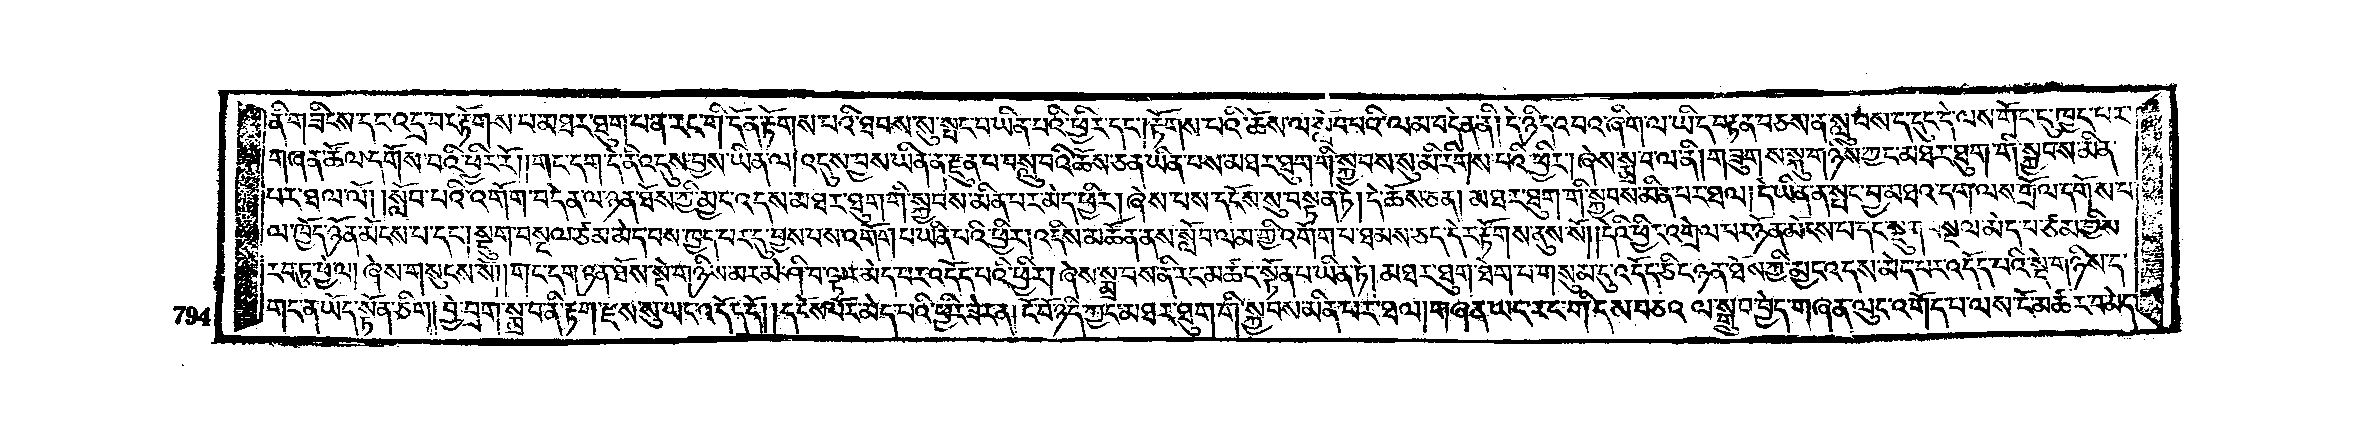ནི་གཟིངས་དང་འདྲ་བར་རྟོགས་པ་མཐར་ཐུག་པ་ན་རང་གི་དོན་རྟོགས་པའི་ཐབས་སུ་སྤང་བ་ཡིན་པའི་ཕྱིར་དང་། རྟོགས་པའི་ཆོས་ལ་སློབ་པའི་ལམ་བདེན་ནི། དེ་ཉིད་འབའ་ཞིག་ལ་ཡིད་བརྟན་བཅས་ན་སླུ་བས་ད་དུང་དེ་ལས་གོང་དུ་ཁྱད་པར་
གཞན་ཚོལ་དགོས་པའི་ཕྱིར་རོ། །གང་དག་དེ་ནི་འདུས་བྱས་ཡིན་ལ། འདུས་བྱས་ཡིན་ན་རྫུན་པ་བསླུ་བའི་ཆོས་ཅན་ཡིན་པས་མཐར་ཐུག་གི་སྐྱབས་སུ་མི་རིགས་པའི་ཕྱིར། ཞེས་སྨྲ་བ་ལ་ནི། གཟུགས་སྐུ་གཉིས་ཀྱང་མཐར་ཐུག་གི་སྐྱབས་མིན་
པར་ཐལ་ལོ། །སློབ་པའི་འགོག་བདེན་ལ་ཉན་ཐོས་ཀྱི་མྱང་འདས་མཐར་ཐུག་གི་སྐྱབས་མིན་པར་མེད་ཕྱིར། ཞེས་པས་དངོས་སུ་བསྟན་ཏེ། དེ་ཆོས་ཅན། མཐར་ཐུག་གི་སྐྱབས་མིན་པར་ཐལ། དེ་ཡིན་ན་སྤང་བྱ་མཐའ་དག་ལས་གྲོལ་དགོས་པ་
ལ་ཁྱོད་ཉོན་མོངས་པ་དང་། སྡུག་བསྔལ་ཙམ་མེད་པས་ཁྱད་པར་དུ་བྱས་པས་འགོག་པ་ཡིན་པའི་ཕྱིར། འདིས་མཚོན་ནས་སློབ་ལམ་གྱི་འགོག་པ་ཐམས་ཅད་དེར་རྟོགས་ནུས་སོ། །དེའི་ཕྱིར་འགྲེལ་པར་ཉོན་མོངས་པ་དང་སྡུག་བསྔལ་མེད་པ་ཙམ་གྱིས་
རབ་ཏུ་ཕྱེ་ལ། ཞེས་གསུངས་སོ། །གང་དག་ཉན་ཐོས་སྡེ་གཉིས་མར་མེ་ཤི་བ་ལྟར་མེད་པར་འདོད་པའི་ཕྱིར། ཞེས་སྨྲ་བས་ནི་རང་མཚང་སྟོན་པ་ཡིན་ཏེ། མཐར་ཐུག་ཐེག་པ་གསུམ་དུ་འདོད་ཅིང་ཉན་ཐོས་ཀྱི་མྱང་འདས་མེད་པར་འདོད་པའི་སྡེ་གཉིས་དེ་
གང་ན་ཡོད་སྟོན་ཅིག །བྱེ་བྲག་སྨྲ་བ་ནི་རྟག་རྫས་སུ་ཡང་འདོད་དོ། །དངོས་པོར་མེད་པའི་ཕྱིར་ཟེར་ན། ངོ་བོ་ཉིད་ཀྱང་མཐར་ཐུག་གི་སྐྱབས་མིན་པར་ཐལ། གཞན་ཡང་རང་གི་དམ་བཅའ་ལ་སྒྲུབ་བྱེད་གཞན་ལུང་འགོད་པ་ལས་ངོ་མཚར་བ་མེད་